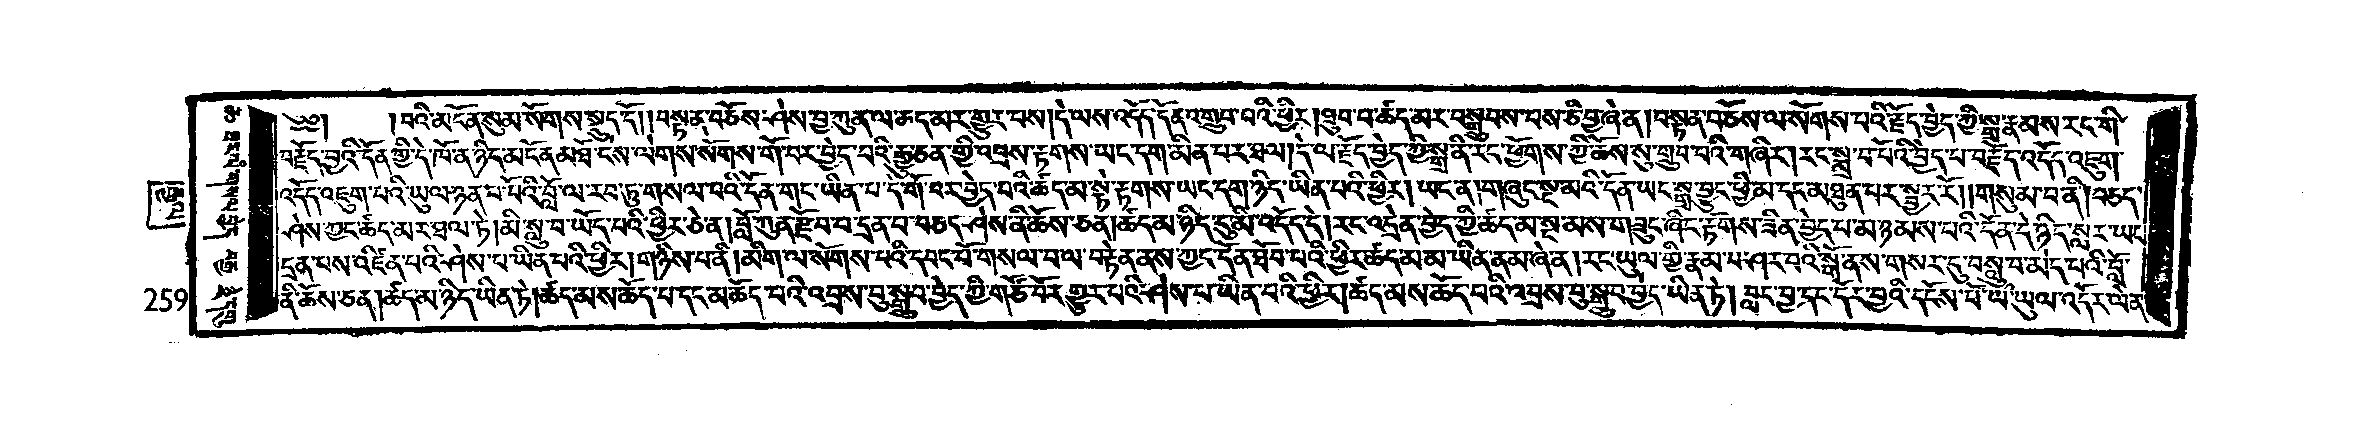༄༅། །བའི་མངོན་སུམ་སོགས་སྡུད་དོ། །བསྟན་བཅོས་ཤེས་བྱ་ཀུན་ལ་ཚད་མར་གྱུར་པས། དེ་ལས་འདོད་དོན་འགྲུབ་པའི་ཕྱིར། ཐུབ་པ་ཚད་མར་བསྒྲུབས་པས་ཅི་བྱ་ཞེ་ན། བསྟན་བཅོས་ལ་སོགས་པའི་རྗོད་བྱེད་ཀྱི་སྒྲུ་རྣམས་རང་གི་
བརྗོད་བྱའི་དོན་གྱི་དེ་ཁོ་ན་ཉིད་མངོན་མཐོ་ངེས་ལེགས་སོགས་གོ་བར་བྱེད་པའི་རྒྱུ་ཅན་གྱི་འབྲས་རྟགས་ཡང་དག་མིན་པར་ཐལ། དེ་ལ་རྗོད་བྱེད་ཀྱི་སྒྲ་ནི་རང་ཕྱོགས་ཀྱི་ཆོས་སུ་གྲུབ་པའི་གཞིར། རང་སྨྲ་བ་པོའི་བྱེད་པ་བརྗོད་འདོད་འཇུག་
འདོད་འཇུག་པའི་ཡུལ་ཉན་པ་པོའི་བློ་ལ་རབ་ཏུ་གསལ་བའི་དོན་གང་ཡིན་པ་དེ་གོ་བར་བྱེད་པའི་ཚད་མ་སྟེ་རྟགས་ཡང་དག་ཉིད་ཡིན་པའི་ཕྱིར། ཡང་ན། གཞུང་སྔ་མའི་དོན་ཡང་སྒྲ་བྱུང་ཕྱི་མ་དང་མཐུན་པར་སྦྱར་རོ། །གསུམ་པ་ནི། བཅད་
ཤེས་ཀྱང་ཚད་མར་ཐལ་ཏེ། མི་སླུ་བ་ཡོད་པའི་ཕྱིར་ཅེ་ན། བློ་ཀུན་རྫོབ་པ་དྲན་པ་བཅད་ཤེས་ནི་ཆོས་ཅན། ཚད་མ་ཉིད་དུ་མི་འདོད་དེ། རང་འདྲེན་བྱེད་ཀྱི་ཚད་མ་སྔ་མས་གཟུང་ཞིང་རྟོགས་ཟིན་བྱེད་པ་མ་ཉམས་པའི་དོན་དེ་ཉིད་སླར་ཡང་
དྲན་པས་འཛིན་པའི་ཤེས་པ་ཡིན་པའི་ཕྱིར། གཉིས་པ་ནི། མིག་ལ་སོགས་པའི་དབང་པོ་གསལ་བ་ལ་བརྟེན་ནས་ཀྱང་དོན་ཐོབ་པའི་ཕྱིར་ཚད་མ་མ་ཡིན་ནམ་ཞེ་ན། རང་ཡུལ་གྱི་རྣམ་པ་ཤར་བའི་སྒོ་ནས་གསར་དུ་བསླུ་བ་མེད་པའི་བློ་
ནི་ཆོས་ཅན། ཚད་མ་ཉིད་ཡིན་ཏེ། ཚད་མས་ཆོད་པ་དང་མ་ཆོད་པའི་འབྲས་བུ་སྒྲུབ་བྱེད་ཀྱི་གཙོ་བོར་གྱུར་པའི་ཤེས་པ་ཡིན་པའི་ཕྱིར། ཚད་མས་ཆོད་པའི་འབྲས་བུ་སྒྲུབ་བྱེད་ཡིན་ཏེ། བླང་བྱ་དང་དོར་བྱའི་དངོས་པོ་ཡི་ཡུལ་འདོར་ལེན་